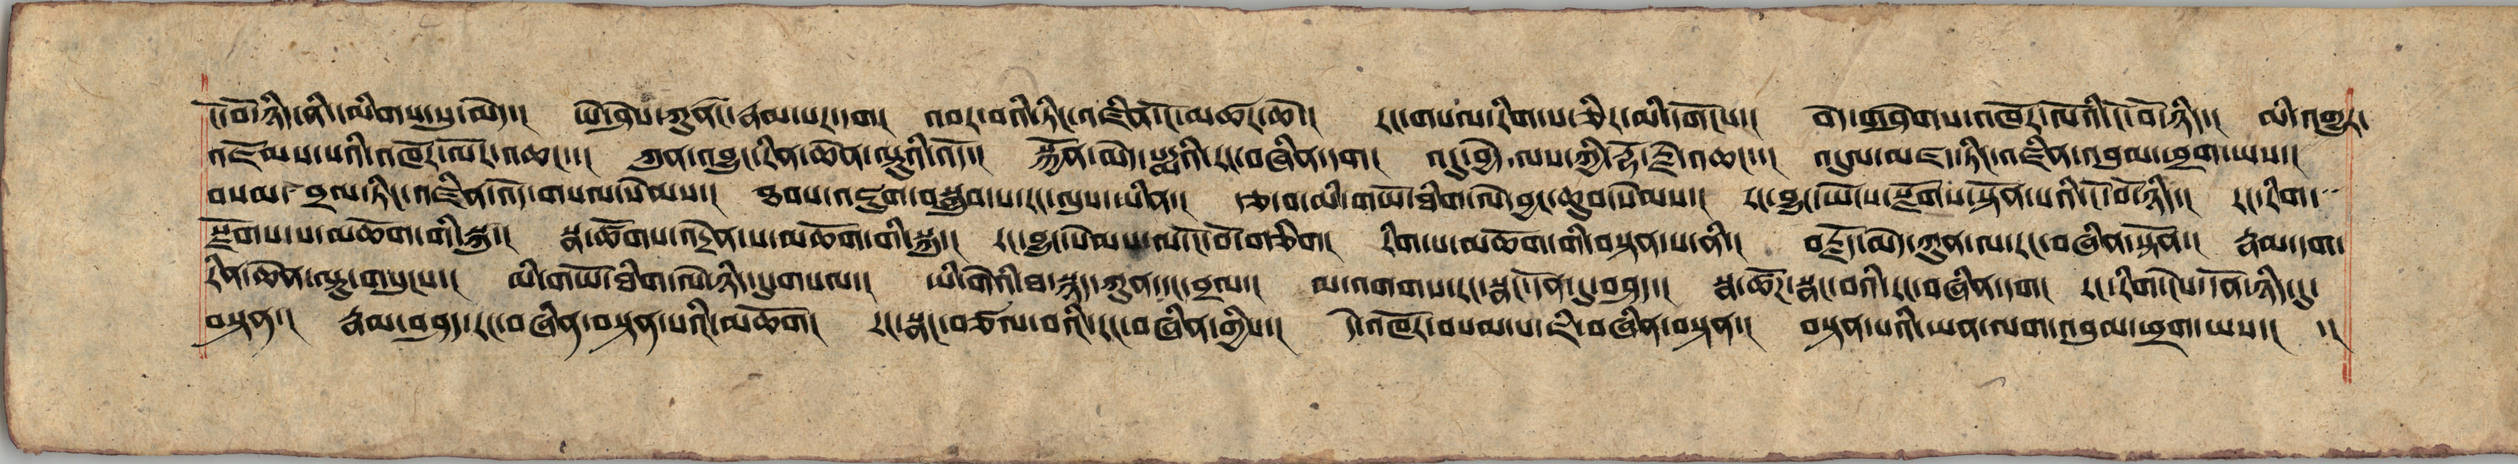ངོ་བོ་ཉིད་ནི་དམིགས་སུ་མེད་། ཡེ་ཤེས་ཀུནཟང་རྣམ་པར་དག། འབར་བའི་ཏིང་འཛིན་ངོ་མཚར་ཆེ་། རང་གསལ་རིག་པ་ཅིར་མི་དགོངས་། བདེ་གཤེགས་འཁོར་ལོའི་ངོ་བོ་ཉིད་། མི་འགྱུར་
འཇོམས་པའི་འཁོར་ལོར་འཆང་། ཀུན་འབྱུང་རིན་ཆེན་ལྟུའི་འོད་། སྐྱོན་མེད་པདྨའི་རང་བཞིན་དག། འདུ་བྱེད་ལས་ཀྱི་རྡོ་རྗེ་འཆང་། འདུལ་མཛད་ཏིང་འཛིན་འབུམ་ཕྲག་ཡས་།
བསམ་བྲལ་ཏིང་འཛིན་འོད་གསལ་སེམས་། ཐབས་འཇུག་བསྒྲུབ་པ་རང་ལུས་ཡིན་། རྩ་བ་མི་གཡོ་ཐིག་ལེ་བྱང་ཆུབ་སེམས་། རང་བྱུང་ཡོངས་སྫོགས་སྟོན་པའི་ངོ་བོ་ཉིད་། རང་རིག་
སྫོགས་པ་མཆོག་གི་སྐུ་། སྣ་ཚོགས་འདྲེན་པ་མཆོག་གི་སྐུ་། རང་བྱུང་སེམས་ལ་ངོ་བོ་གཅིག། རིག་པ་མཆོག་གི་བསྟན་པ་ནི་། བརྗོད་མེད་ཀུན་ལ་རང་བཞིན་སྟོན་། རྣམ་དག་
རིན་ཆེན་ལྟུ་གསུངས་། མི་གཡོ་ཐིག་ལེ་ཉིད་དུ་གསལ་། ཡི་གེའི་ཐ་སྙད་ཀུན་དང་བྲལ་། མ་འགགས་རང་སྣང་དོན་དུ་བཤད་། སྣ་ཚོཌ་སྣང་བའི་རང་བཞིན་དག། རང་རིག་ངེས་དོན་ཉིད་དུ་
བསྟན་། རྣམ་བཤད་རང་བཞིན་བསྟན་པའི་མཆོག། རང་སྣང་བཙལ་བའི་རང་བཞིན་གྱིས་། དེ་འཁོར་བསམ་པ་ཇི་བཞིན་བསྟན་། བསྟན་པའི་ཡན་ལག་འབུམ་ཕྲག་ཡས་། ་།